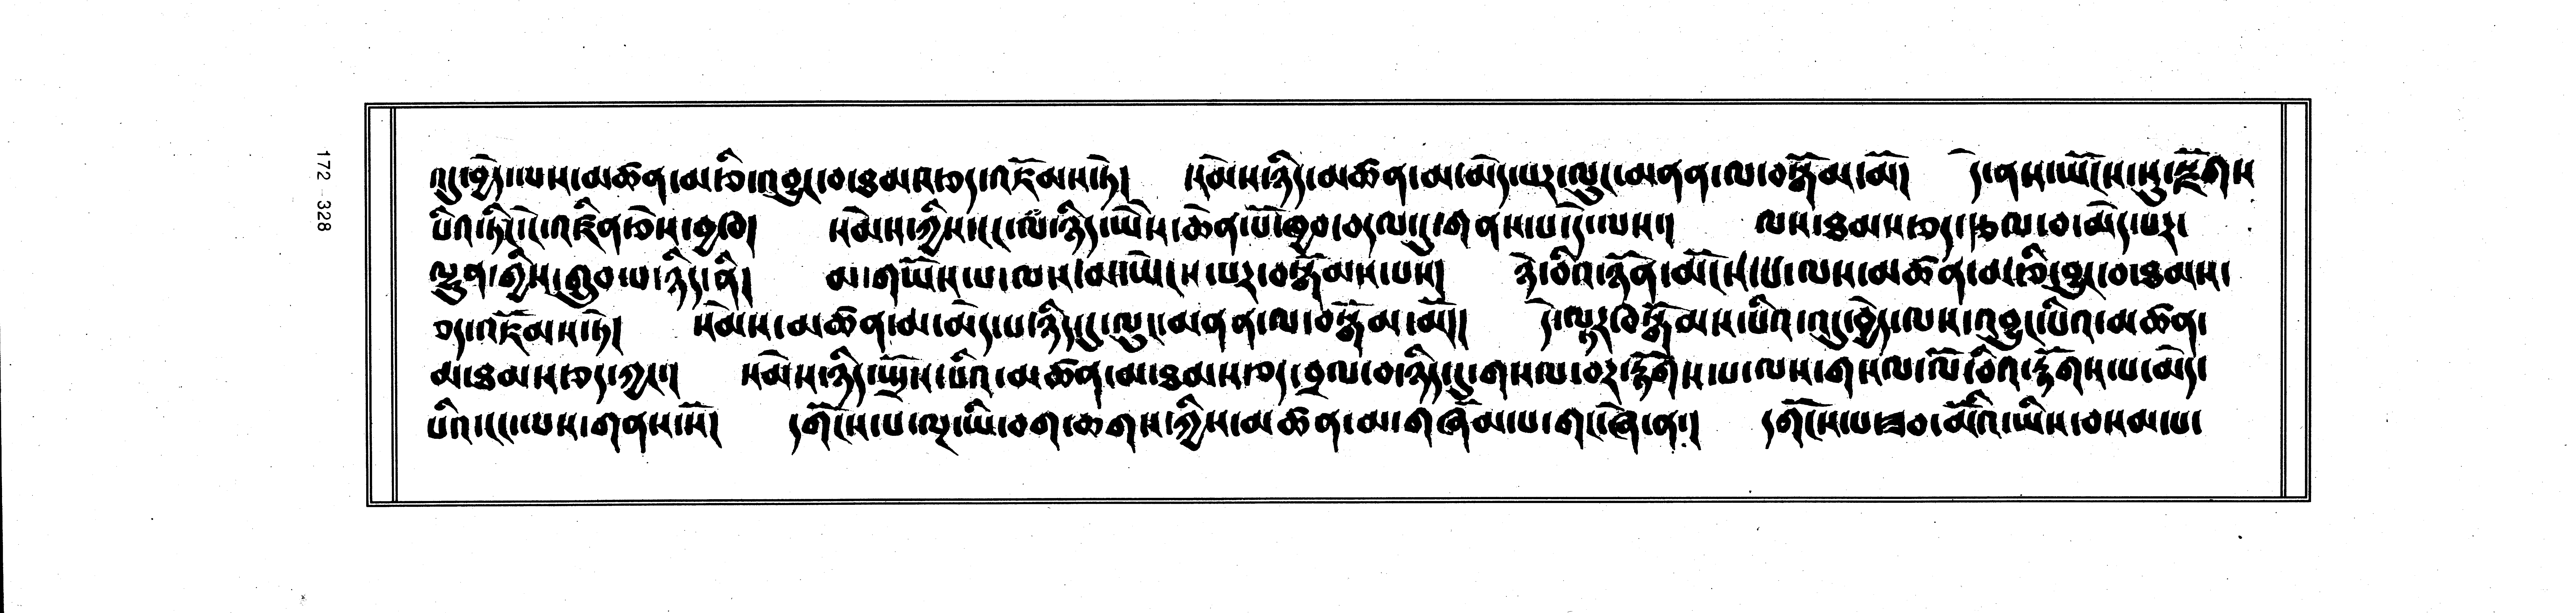འདུ་བྱེད་ལས་མཚན་མ་ཅི་འབྱུང་བ་ཐམས་ཅད་འཇོམས་ཏེ། སེམས་ཉིད་མཚན་མ་མེད་པར་ལུང་མནན་ལ་བསྒོམ་མོ། དེ་ནས་ཡོངས་སུ་རྫོགས་
པའི་ཏིང་ངེ་འཛིན་ཅེས་བྱ་བ། སེམས་ཀྱིས་ངང་ཉིད་ཡེ་ཤེས་ཆེན་པོ་ཁྱབ་བདལ་དུ་གནས་པ་དེ་ལས། ལས་ཐམས་ཅད་རྩལ་བ་མེད་པར་
ལྷུན་གྱིས་གྲུབ་པ་ཉིད་ནི། མ་གཡོས་པ་ལས་མ་གཡེངས་པར་བསྒོམས་པས། ཉེ་བའི་ཉོན་མོངས་ལས་མཚན་མ་ཅི་བྱུང་བ་ཐམས་
ཅད་འཇོམས་ཏེ། སེམས་མཚན་མ་མེད་པ་ཉིད་དུ་ལུང་མནན་ལ་བསྒོམ་མོ། དེ་ལྟར་སྒོམས་པའི་འདུ་བྱེད་ལས་འབྱུང་པའི་མཚན་
མ་ཐམས་ཅད་ཀྱང་། སེམས་ཉིད་སྤྲོས་པའི་མཚན་མ་ཐམས་ཅད་བྲལ་བ་ཉིད་དུ་གསལ་བར་རྟོགས་པ་ལས་གསལ་ལོ་བའི་རྟོགས་པ་མེད་
པའི་ངང་ལས་གནས་སོ། དགོངས་པ་ལྔ་ཡི་བག་ཆགས་ཀྱིས་མཚན་མ་གཞོམ་པ་གང་ཞེ་ན། དགོངས་པ་ཟབ་མོའི་ཡིས་བསམ་པ་